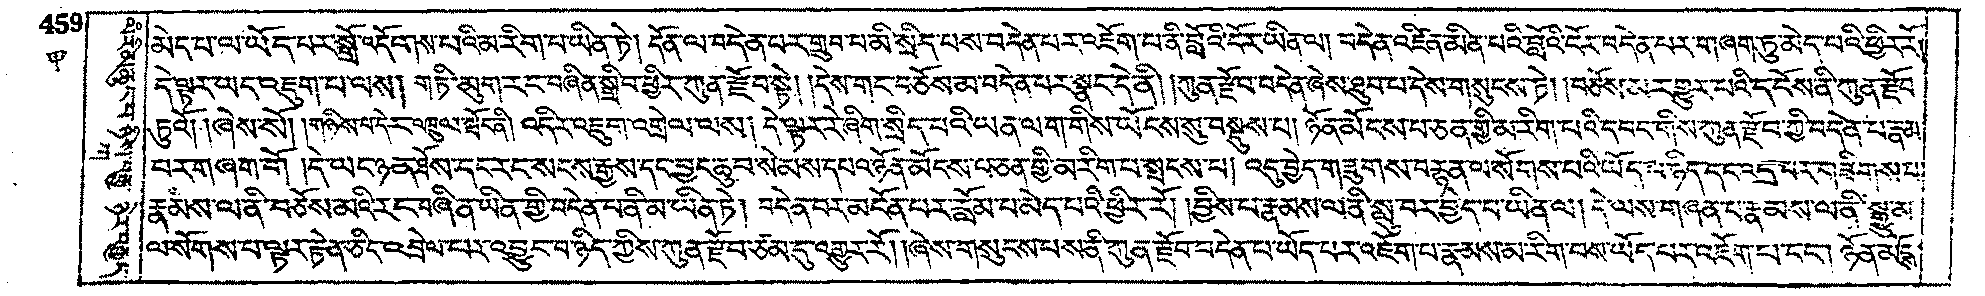༄༅། །མེད་པ་ལ་ཡོད་པར་སྒྲོ་འདོགས་པའི་མ་རིག་པ་ཡིན་ཏེ། དོན་ལ་བདེན་པར་གྲུབ་པ་མི་སྲིད་པས་བདེན་པར་འཇོག་པ་ནི་བློའི་ངོར་ཡིན་ལ། བདེན་འཛིན་མིན་པའི་བློའི་ངོར་བདེན་པར་གཞག་ཏུ་མེད་པའི་ཕྱིར་རོ།
དེ་ལྟར་ཡང་འཇུག་པ་ལས། གཏི་མུག་རང་བཞིན་སྒྲིབ་ཕྱིར་ཀུན་རྫོབ་སྟེ། །དེས་གང་བཅོས་མ་བདེན་པར་སྣང་དེ་ནི། །ཀུན་རྫོབ་བདེན་ཞེས་ཐུབ་པ་དེས་གསུངས་ཏེ། །བཅོས་མར་གྱུར་པའི་དངོས་ནི་ཀུན་རྫོབ་
ཏུའོ། །ཞེས་སོ། །གཉིས་པ་དེར་འཁྲུལ་སྤོང་ནི།  འདིར་འཇུག་འགྲེལ་ལས། དེ་ལྟར་རེ་ཞིག་སྲིད་པའི་ཡན་ལག་གིས་ཡོངས་སུ་བསྡུས་པ། ཉོན་མོངས་པ་ཅན་གྱི་མ་རིག་པའི་དབང་གིས་ཀུན་རྫོབ་ཀྱི་བདེན་པ་རྣམ་
པར་གཞག་གོ། །དེ་ཡང་ཉན་ཐོས་དང་རང་སངས་རྒྱས་དང་བྱང་ཆུབ་སེམས་དཔའ་ཉོན་མོངས་པ་ཅན་གྱི་མ་རིག་པ་སྤངས་པ། འདུ་བྱེད་གཟུགས་བརྙན་ལ་སོགས་པའི་ཡོད་པ་ཉིད་དང་འདྲ་བར་གཟིགས་པ་
རྣམས་ལ་ནི་བཅོས་མའི་རང་བཞིན་ཡིན་གྱི་བདེན་པ་ནི་མ་ཡིན་ཏེ། བདེན་པར་མངོན་པར་རློམ་པ་མེད་པའི་ཕྱིར་རོ། །བྱིས་པ་རྣམས་ལ་ནི་སླུ་བར་བྱེད་པ་ཡིན་ལ། དེ་ལས་གཞན་པ་རྣམས་ལ་ནི་སྒྱུར་མ་
ལ་སོགས་པ་ལྟར་རྟེན་ཅིང་འབྲེལ་པར་འབྱུང་བ་ཉིད་ཀྱིས་ཀུན་རྫོབ་ཙམ་དུ་འགྱུར་རོ། །ཞེས་གསུངས་པས་ནི་ཀུན་རྫོབ་བདེན་པ་ཡོད་པར་འཇོག་པ་རྣམས་མ་རིག་པས་ཡོད་པར་འཇོག་པ་དང་། ཉོན་མོངས་